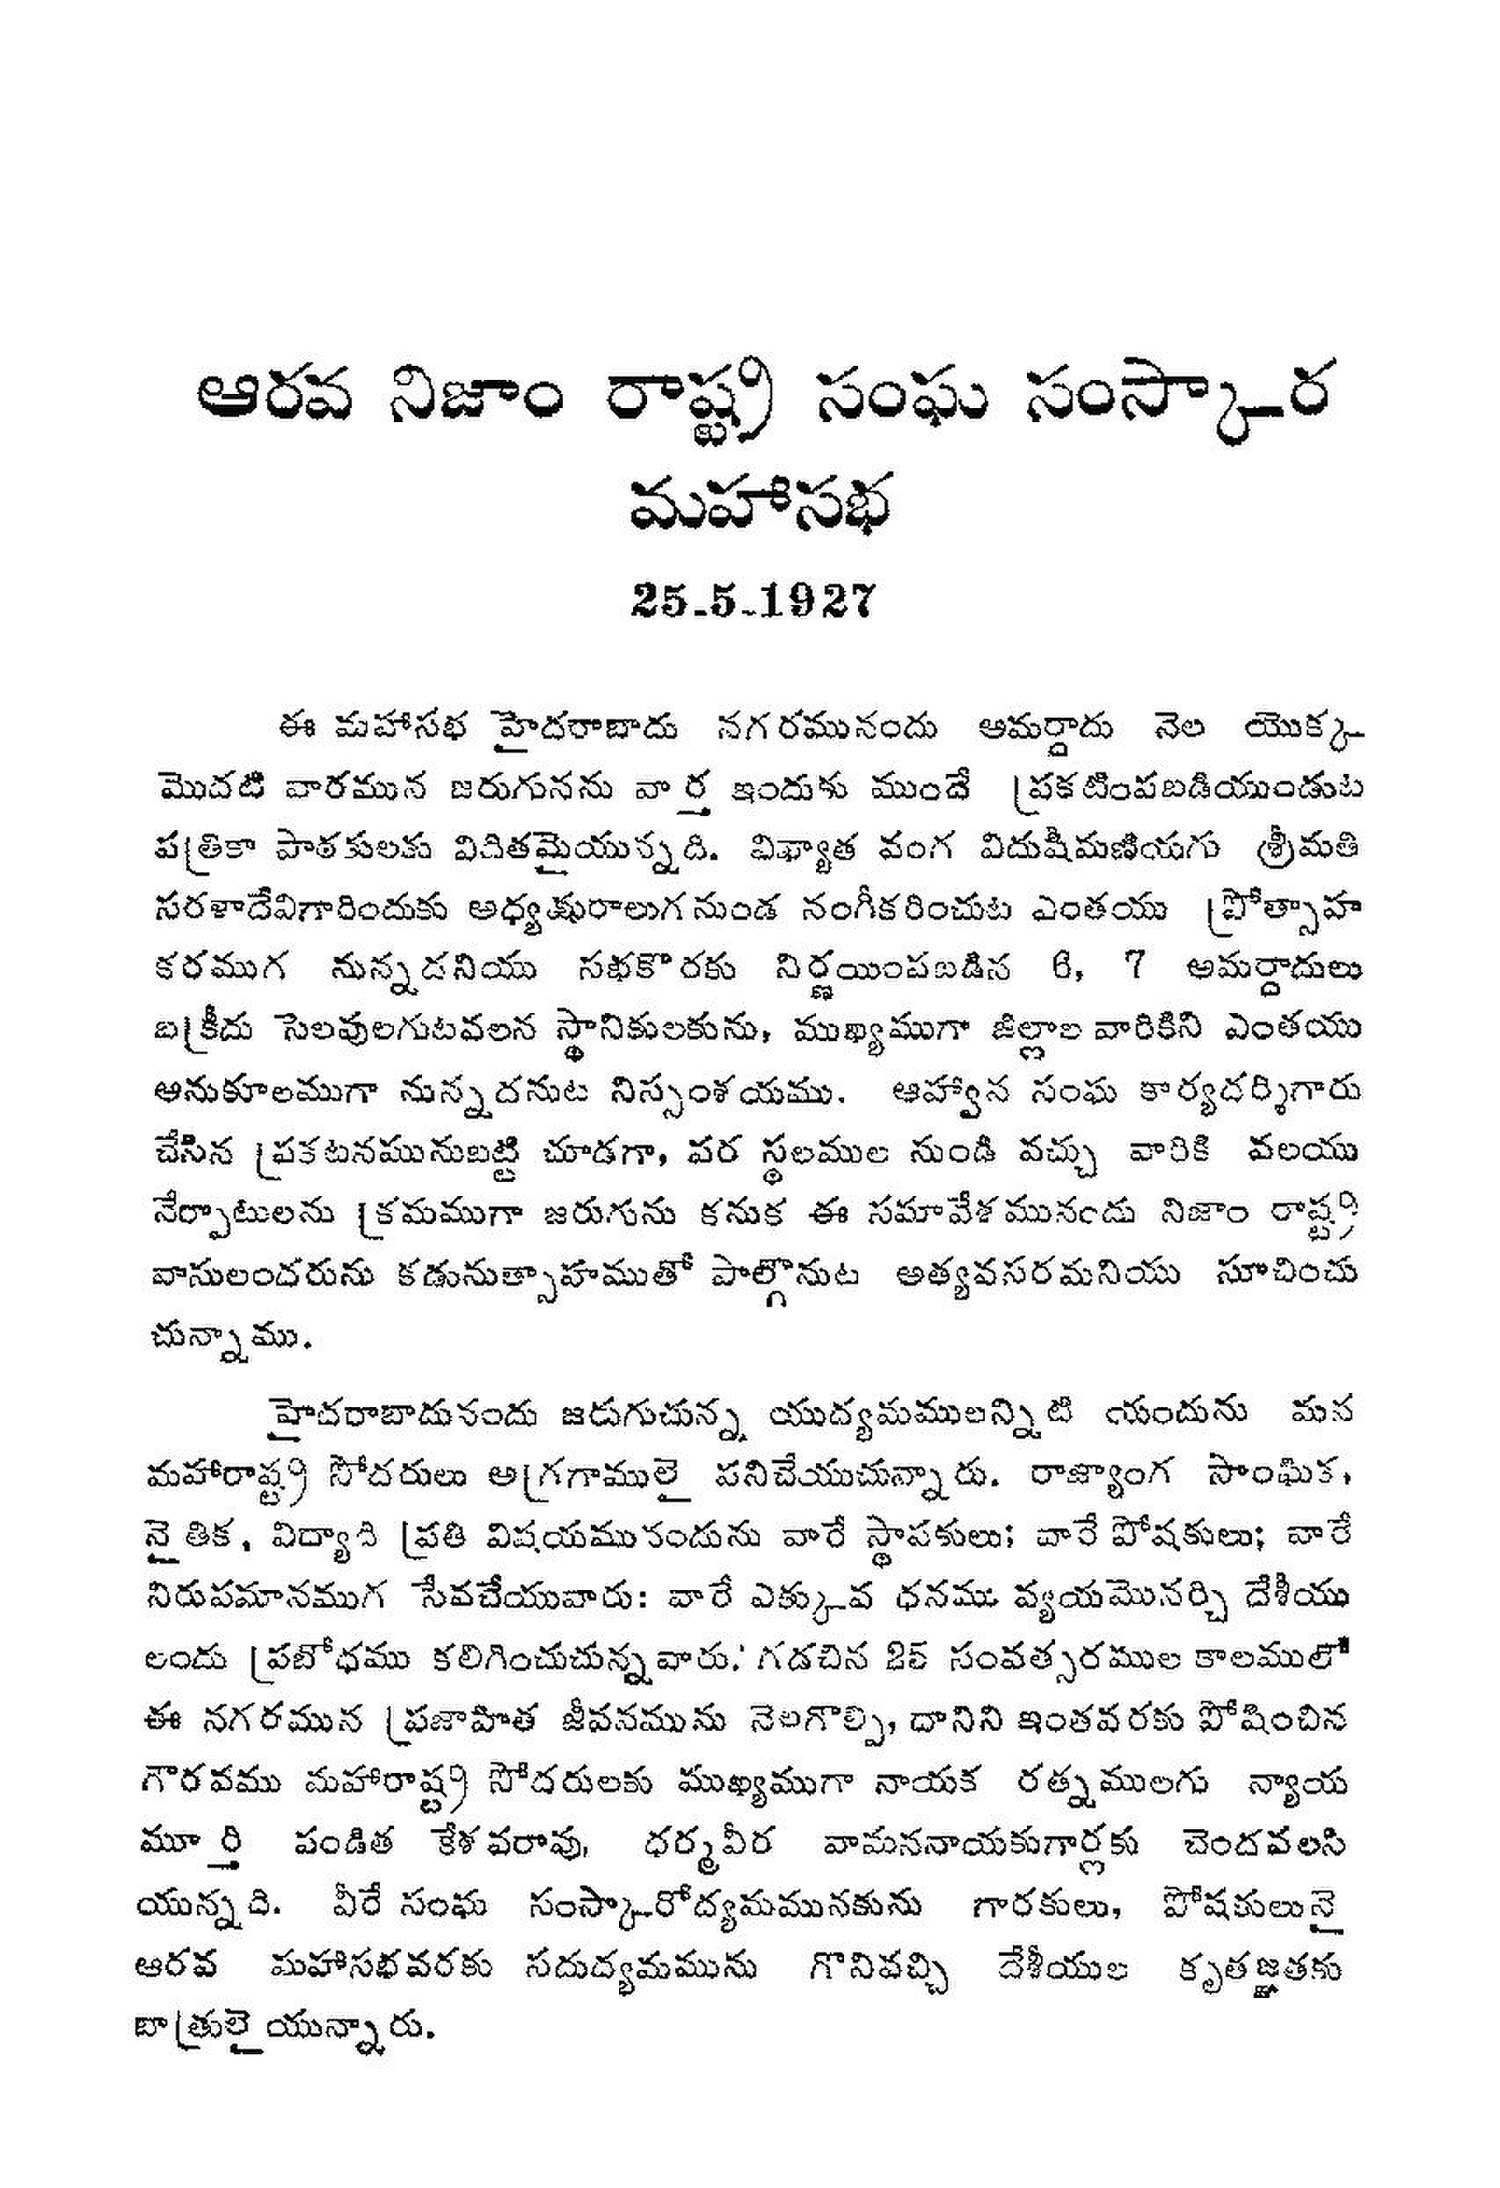ఆరవ నిజాం రాష్ట్ర సంఘ సంస్కార మహాసభ

25-5-1927

ఈ మహాసభ హైదరాబాదు నగరమునందు అమర్దాదు నెల యొక్క మొదటి వారమున జరుగునను వార్త ఇందుకు ముందే ప్రకటింపబడియుండుట పత్రికా పాఠకులకు విదితమైయున్నది. విఖ్యాత వంగ విదుషీమణియగు శ్రీమతి
సరళాదేవిగారిందుకు అధ్యక్షురాలుగ నుండ నంగీకరించుట ఎంతయు ప్రోత్సాహకరముగ నున్నదనియు సభకొరకు నిర్ణయింపబడిన 6, 7 అమర్దాదులు బక్రీదు సెలవులగుటవలన స్థానికులకును, ముఖ్యముగా జిల్లాల వారికిని ఎంతయు అనుకూలముగా నున్నదనుట నిస్సంశయము. ఆహ్వాన సంఘ కార్యదర్శిగారు చేసిన ప్రకటనమునుబట్టి చూడగా, పర స్థలముల నుండి వచ్చు వారికి వలయు నేర్పాటులను క్రమముగా జరుగును కనుక ఈ సమావేశమునందు నిజాం రాష్ట్ర వాసులందరును కడునుత్సాహముతో పాల్గొనుట అత్యవసరమనియు సూచించు
చున్నాము.

హైదరాబాదునందు జరుగుచున్న యుద్యమములన్నిటి యందును మన మహారాష్ట్ర సోదరులు అగ్రగాములై పనిచేయుచున్నారు. రాజ్యాంగ సాంఘిక, నైతిక, విద్యాది ప్రతి విషయమునందును వారే స్థాపకులు; వారే పోషకులు; వారే నిరుపమానముగ సేవచేయువారు: వారే ఎక్కువ ధనము వ్యయమొనర్చి దేశీయులందు ప్రబోధము కలిగించుచున్నవారు. గడచిన 25 సంవత్సరముల కాలములో ఈ నగరమున ప్రజాహిత జీవనమును నెలగొల్పి, దానిని ఇంతవరకు పోషించిన గౌరవము మహారాష్ట్ర సోదరులకు ముఖ్యముగా నాయక రత్నములగు న్యాయమూర్తి పండిత కేశవరావు, ధర్మవీర వామననాయకుగార్లకు చెందవలసియున్నది. వీరే సంఘ సంస్కారోద్యమమునకును గారకులు, పోషకులునై ఆరవ మహాసభవరకు సదుద్యమమును గొనివచ్చి దేశీయుల కృతజ్ఞతకు బాత్రులైయున్నారు.